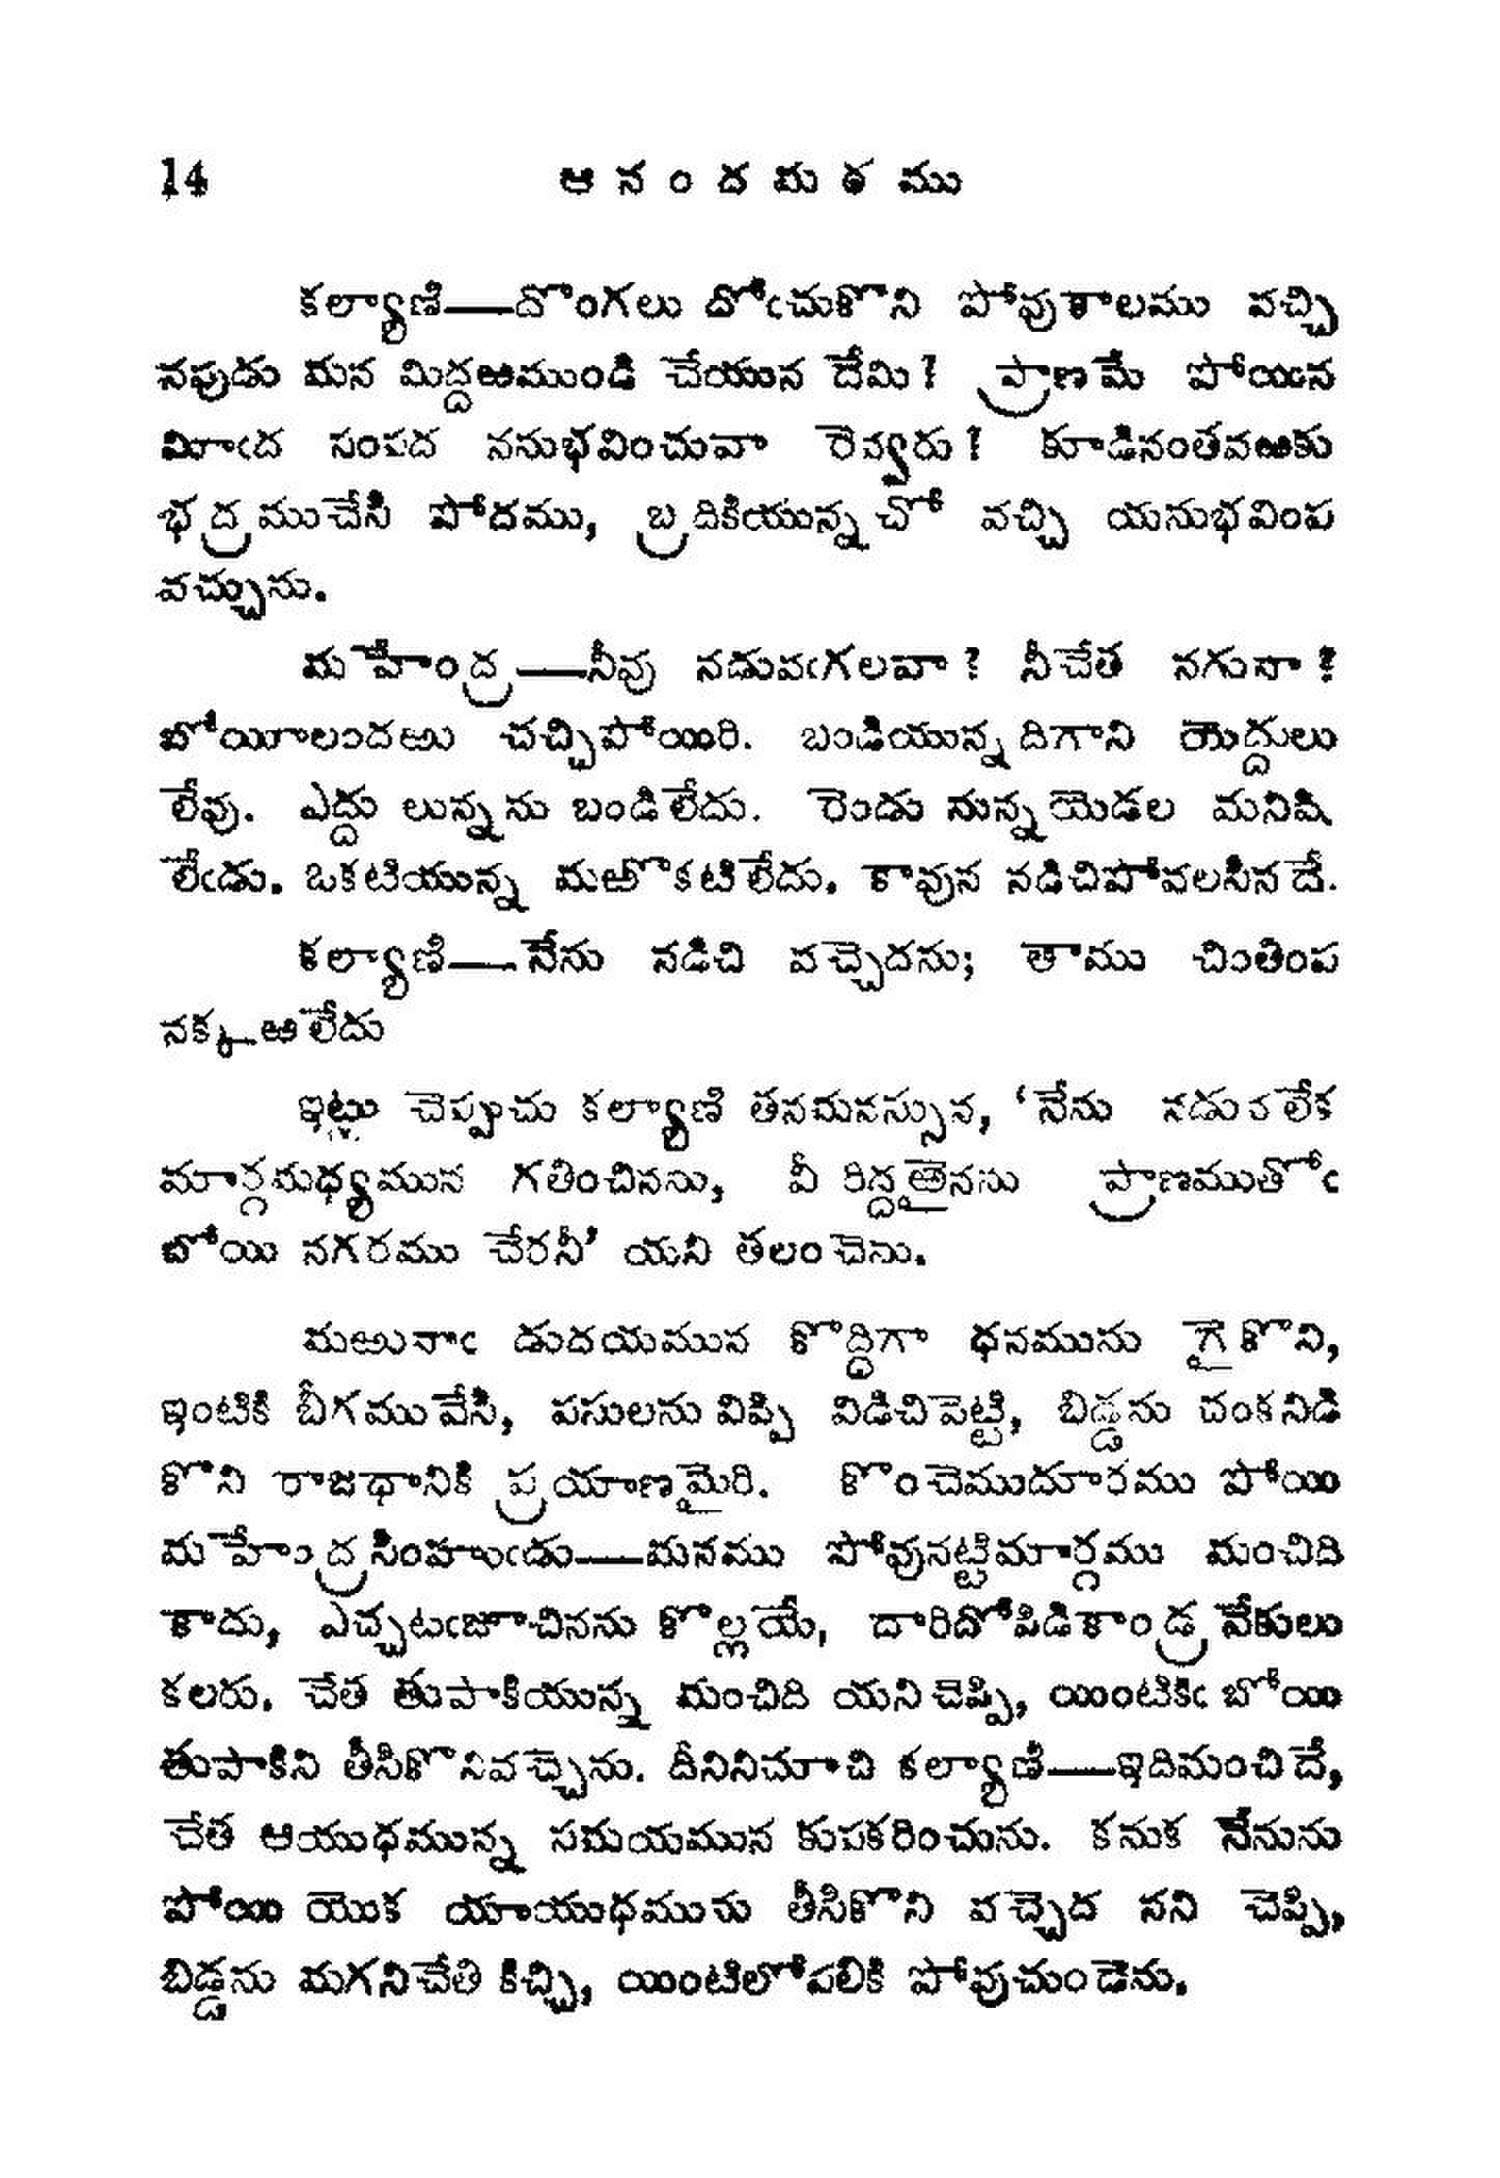కల్యాణి —— దొంగలు దోఁచుకొని పోవుకాలము వచ్చినపుడు మన మిద్దఱముండి చేయున దేమి? ప్రాణమే పోయిన మీఁద సంపద ననుభవించువా రెవ్వరు? కూడినంతవఱకు భద్రము చేసి పోదము, బ్రదికియున్నచో వచ్చి యనుభవింప వచ్చును.

మహేంద్ర——నీవు నడుపఁగలవా? నీచేత నగునా ! బోయిలందఱు చచ్చిపోయిరి. బండియున్నదిగాని యెద్దులు లేవు. ఎద్దు లున్నను బండి లేదు. రెండు నున్న యెడల మనిషి లేఁడు. ఒకటియున్న మఱోకటి లేదు. కావున నడిచిపోవలసినదే.

కల్యాణ్ —— నేను నడిచి వచ్చెదను; తాము చింతింప నక్కఱ లేదు.

ఇట్లు చెప్పుచు కల్యాణి తనమనస్సున, 'నేను నడువ లేక మార్గ మధ్యమున గతించినను, వీ రిద్దఱైనను ప్రాణముతోఁ బోయి నగరము చేరనీ' యని తలంచెను.

మఱునాఁ డుదయమున కొద్దిగా ధనమును గైకొని, ఇంటికి బీగము వేసి, పసులను విప్పి విడిచి పెట్టి, బిడ్డను చంకనిడి కొని రాజధానికి ప్రయాణమైరి, కొంచెముదూరము పోయి మహేంద్రసింహుఁడు—— మనము పోవునట్టి మార్గము మంచిది కాదు, ఎచ్చటఁజూచినను కొల్లయే, దారిదోపిడి కాండ్ర నేకులు కలరు. చేత తుపాకియున్న మంచిది యని చెప్పి, యింటికిఁ బోయి తుపాకిని తీసికొనివచ్చెను. దీనిని చూచి కల్యాణి —— ఇది మంచిదే, చేత ఆయుధమున్న సమయమున కుపకరించును. కనుక నేనును పోయి యొక యాయుధమును తీసికొని వచ్చెద నని చెప్పి, బిడ్డను మగనిచేతి కిచ్చి, యింటిలోపలికి పోవుచుండెను.